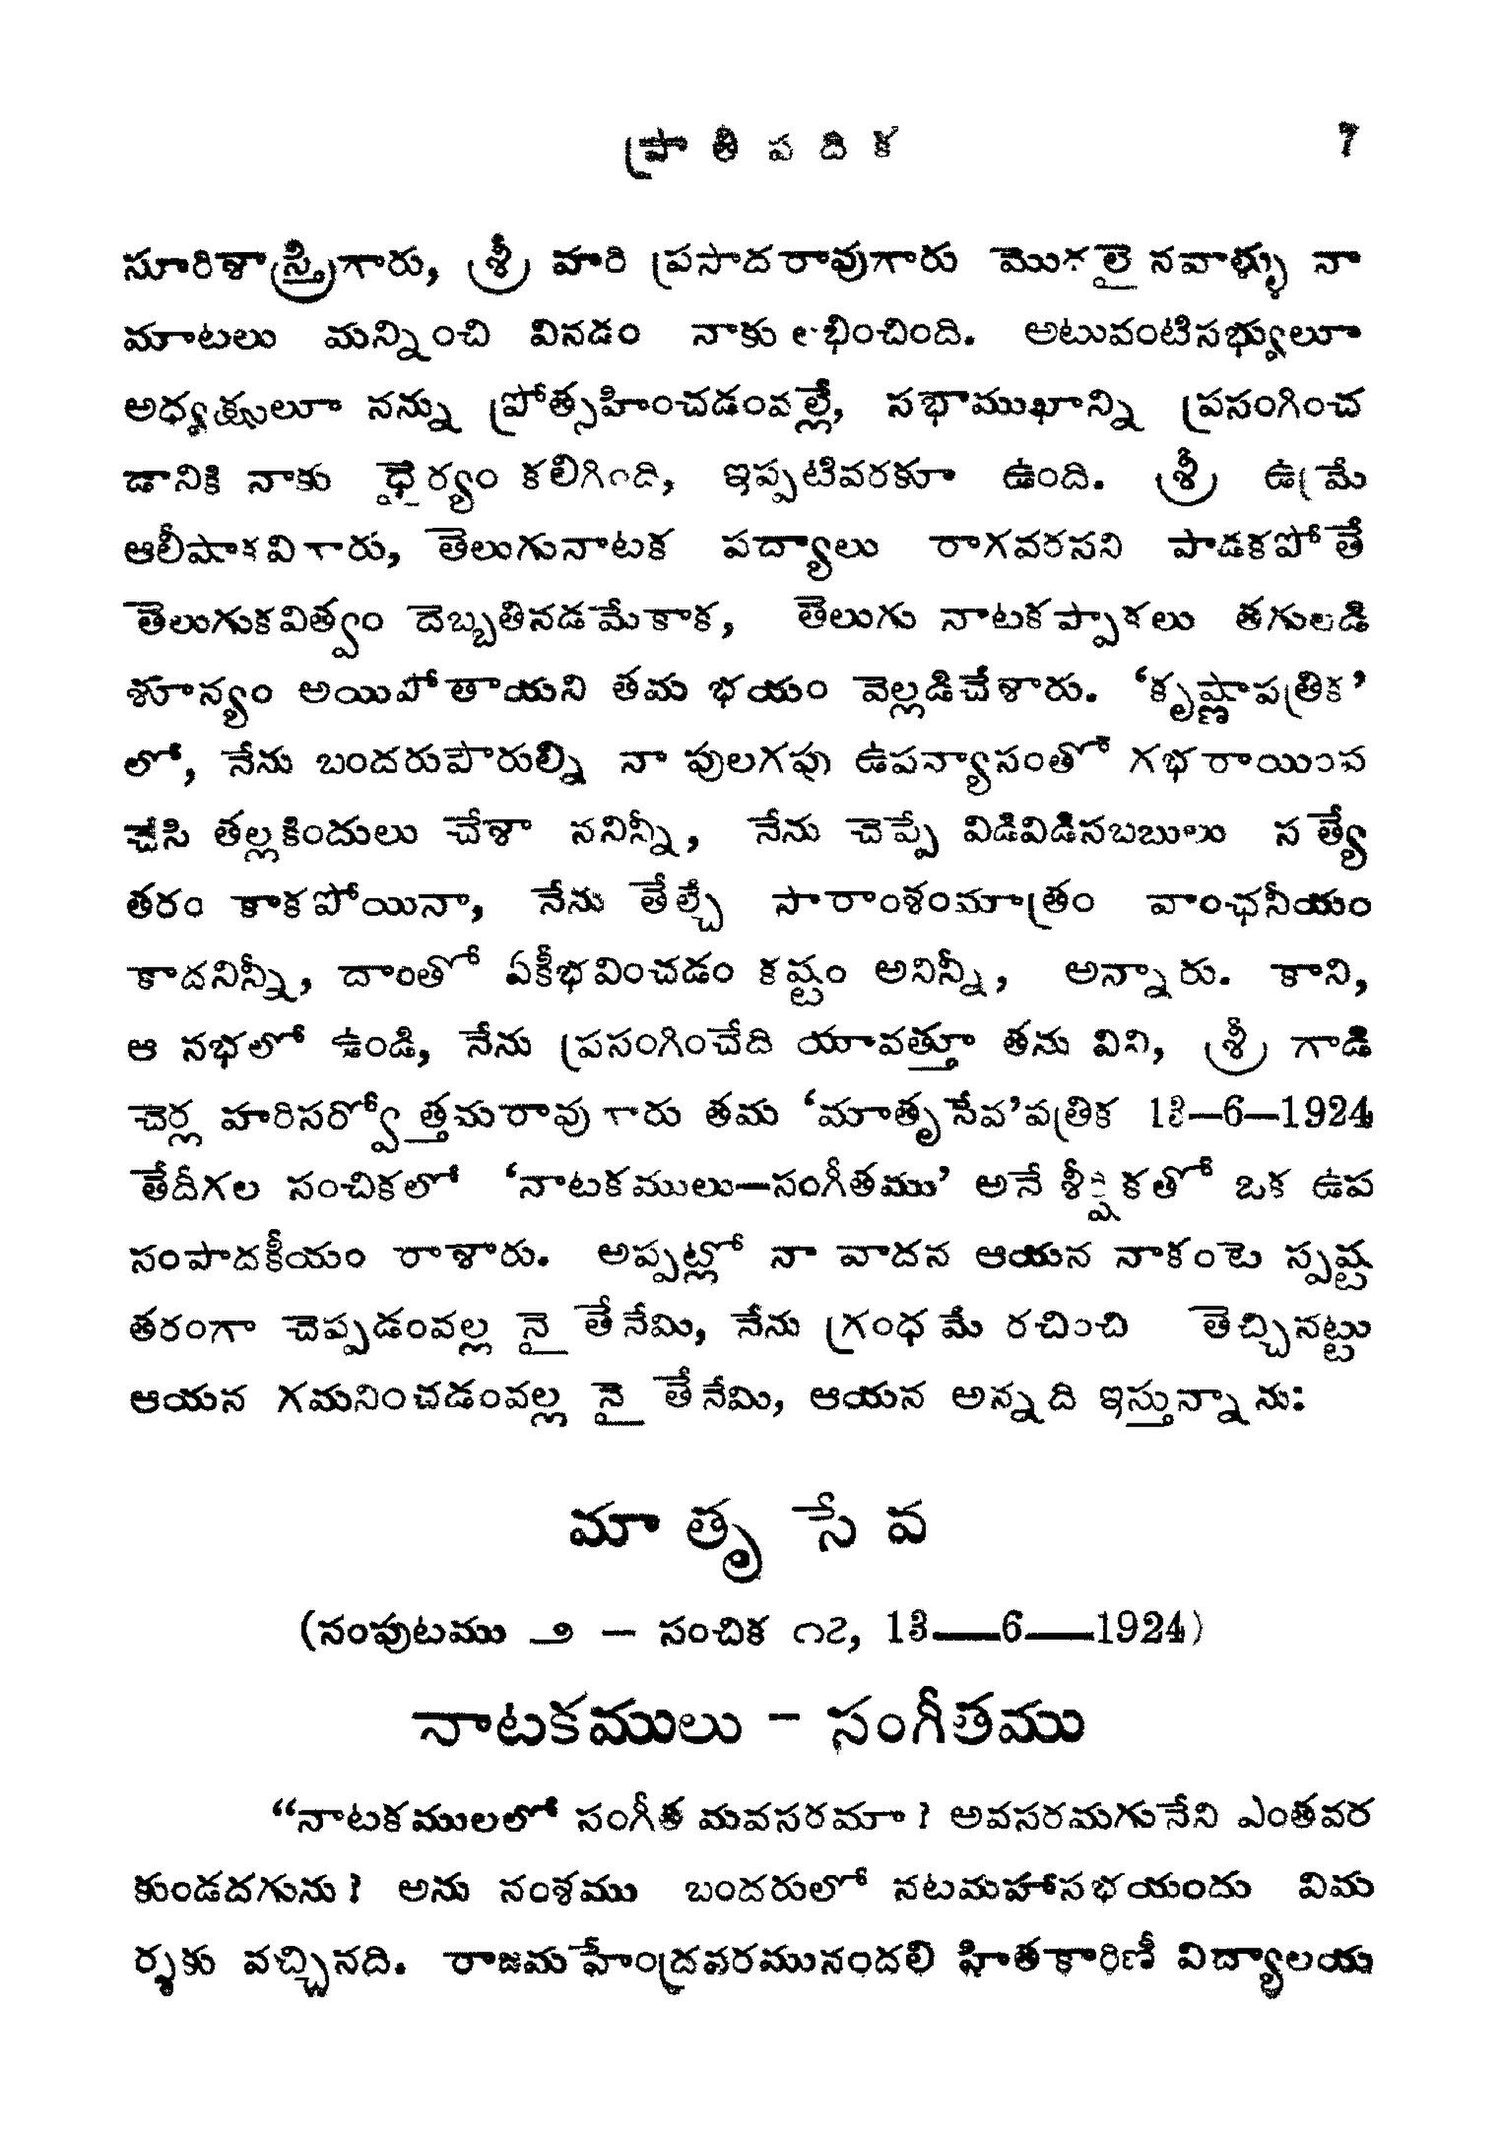సూరిశాస్త్రిగారు, శ్రీ హరి ప్రసాదరావుగారు మొదలైనవాళ్ళు నా
మాటలు మన్నించి వినడం నాకు లభించింది. అటువంటిసభ్యులూ
అధ్యక్షులూ నన్ను ప్రోత్సహించడంవల్లే, సభాముఖాన్ని ప్రసంగించ
డానికి నాకు ధైర్యం కలిగింది, ఇప్పటివరకూ ఉంది. శ్రీ ఉమ్రే
ఆలీషాకవిగారు, తెలుగునాటక పద్యాలు రాగవరసని పాడకపోతే
తెలుగుకవిత్వం దెబ్బతినడమేకాక, తెలుగు నాటకప్పాకలు తగులడి
శూన్యం అయిపోతాయని తమ భయం వెల్లడిచేశారు. 'కృష్ణాపత్రిక '
లో, నేను బందరుపౌరుల్ని నా పులగపు ఉపన్యాసంతో గభరాయింప
చేసి తల్లకిందులు చేశా ననిన్నీ, నేను చెప్పే విడివిడినబబులు సత్యే
తరం కాకపోయినా, నేను తేల్చే సారాంశంమాత్రం వాంఛనీయం
కాదనిన్నీ, దాంతో ఏకీభవించడం కష్టం అనిన్నీ, అన్నారు. కాని,
ఆ సభలో ఉండి, నేను ప్రసంగించేది యావత్తూ తను విని, శ్రీ గాడి
చెర్ల హరిసర్వోత్తమరావుగారు తమ 'మాతృ సేవ' పత్రిక 13-6-1924
తేదీగల సంచికలో 'నాటకములు-సంగీతము' అనే శీర్షికతో ఒక ఉప
సంపాదకీయం రాశారు. అప్పట్లో నా వాదన ఆయన నాకంటె స్పష్ట
తరంగా చెప్పడంవల్ల నై తేనేమి, నేను గ్రంధమే రచించి తెచ్చినట్టు
ఆయన గమనించడంవల్ల నై తేనేమి, ఆయన అన్నదీ ఇస్తున్నాను:

మాతృ సేవ

నాటకములు - సంగీతము

“నాటకములలో సంగీత మవసరమా? అవసరమగునేని ఎంతవర
కుండదగును? అను నంశము బందరులో నటమహాసభయందు విమ
ర్శకు వచ్చినది. రాజమహేంద్రవరమునందలి హితకారిణీ విద్యాలయ